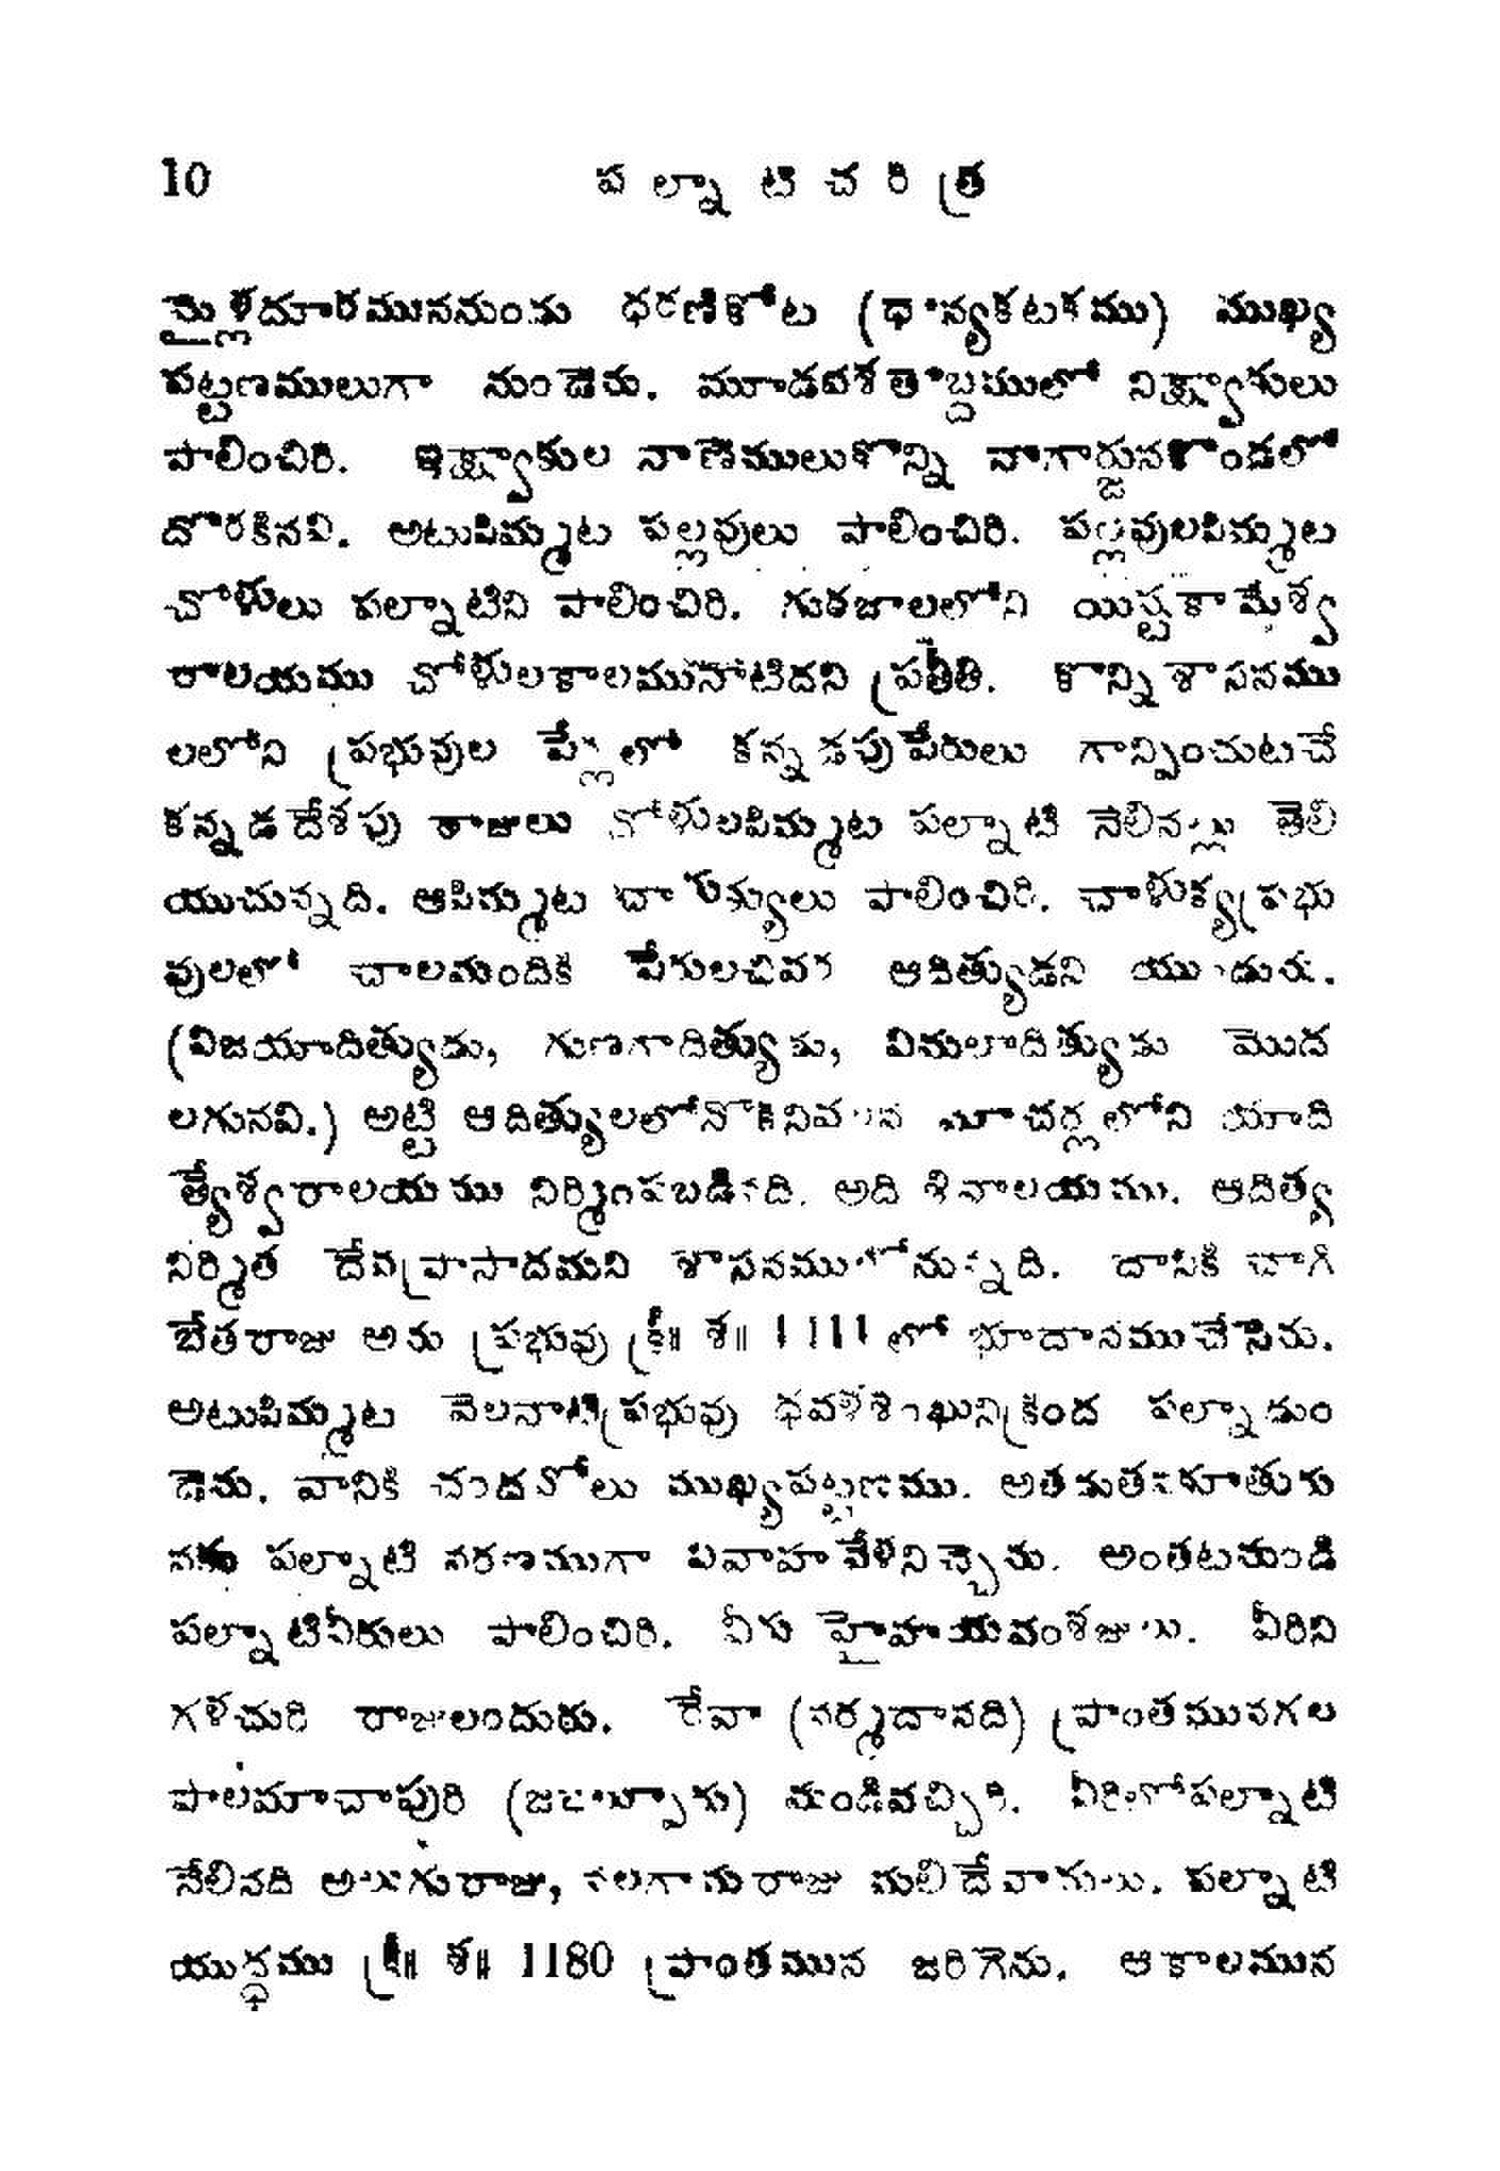మైళ్ల దూరముననుండు ధరణికోట (ధాన్యకటకము) ముఖ్య
పట్టణములుగా నుండెను. మూడవశతాబ్దములో నిక్ష్వాకులు
పాలించిరి. ఇక్ష్వాకుల నాణేములు కొన్ని నాగార్జున కొండలో
దొరకినవి. అటుపిమ్మట పల్లవులు పాలించిరి. పల్లవుల పిమ్మట
చోళులు పల్నాటిని పాలించిరి. గురజాలలోని యిష్టకామేశ్వరాలయము 
చోళులకాలమునాటిదని ప్రతీతి. కొన్ని శాసనములలోని 
ప్రభువుల పేర్లలో కన్నడపు పేరులు గాన్పించుటచే
కన్నడ దేశపు రాజులు చోళులపిమ్మట పల్నాటి నేలినట్లు 
తెలియుచున్నది. ఆపిమ్మట చాళుక్యులు పాలించిరి. చాళుక్యప్రభువులలో 
చాలమందికి పేరులచివర ఆదిత్యుడని యుండును.
(విజయాదిత్యుడు, గుణగాదిత్యుడు, విమలాదిత్యుడు మొద
లగునవి.) అట్టి ఆదిత్యులలో నొకనివలన మాచర్లలోని యాది
త్యేశ్వరాలయము నిర్మింపబడినది. అది శివాలయము, ఆదిత్య
నిర్మిత దేవప్రాసాదమని శాసనములోనున్నది. దానికి చాగి
బేతరాజు అను ప్రభువు క్రీ॥శ॥ 1111 లో భూదానము చేసెను.
అటుపిమ్మట వెలనాటి ప్రభువు ధవళశంఖుని క్రింద పల్నాడుం
డెను, వానికి చందవోలు ముఖ్యపట్టణము. అతడుతన కూతురు 
నకు పల్నాటి నరణముగా వివాహవేళనిచ్చెను. అంతటనుండి
పల్నాటివీరులు పాలించిరి. వీరు హైహయవంశజులు. వీరిని
గళచురి రాజులందురు. రేవా (నర్మదానది) ప్రాంత మునగల
పాలమాచాపురి (జబల్పూరు) నుండివచ్చిరి. వీరిలోపల్నాటి
నేలినది అలుగురాజు, నలగామరాజు మలిదేవాదులు, పల్నాటి
యుద్ధము క్రీ॥శ॥ 1180 ప్రాంతమున జరిగెను, ఆకాలమున